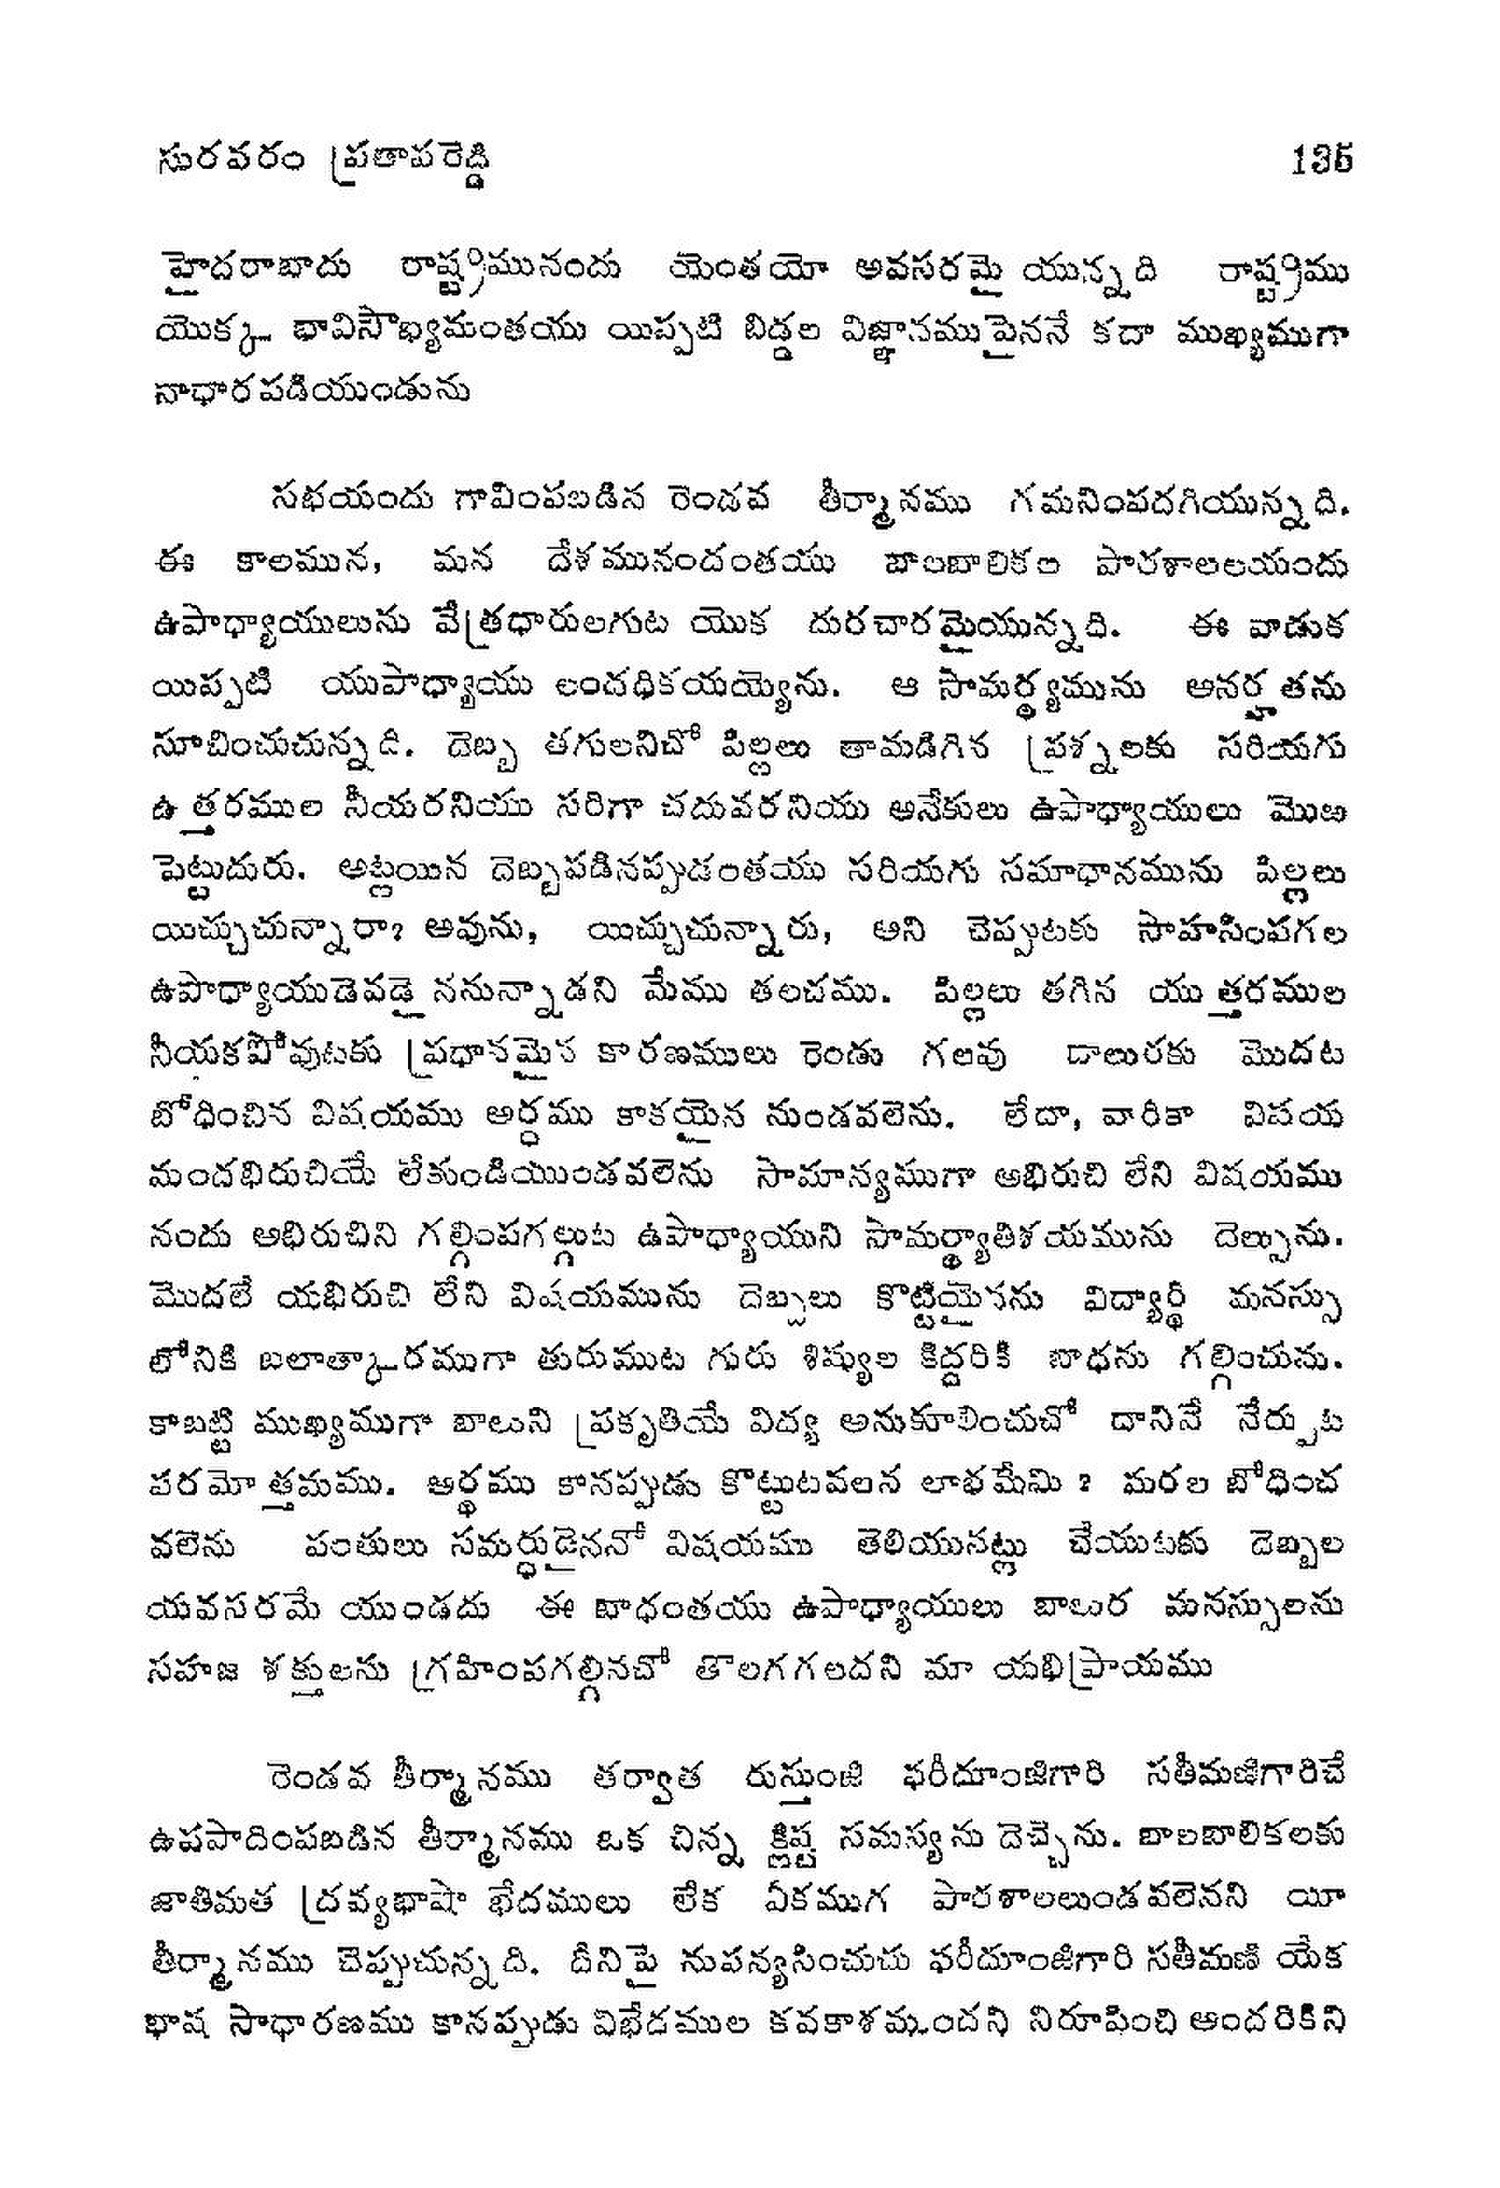హైదరాబాదు రాష్ట్రమునందు యెంతయో అవసరమై యున్నది రాష్ట్రము యొక్క భావిసౌఖ్యమంతయు యిప్పటి బిడ్డల విజ్ఞానముపైననే కదా ముఖ్యముగా నాధారపడియుండును

సభయందు గావింపబడిన రెండవ తీర్మానము గమనింపదగియున్నది. ఈ కాలమున, మన దేశమునందంతయు బాలబాలికల పాఠశాలలయందు ఉపాధ్యాయులును వేత్రధారులగుట యొక దురచారమైయున్నది. ఈ వాడుక 
యిప్పటి యుపాధ్యాయు లందధికయయ్యెను. ఆ సామర్థ్యమును అనర్హతను సూచించుచున్నది. దెబ్బ తగులనిచో పిల్లలు తామడిగిన ప్రశ్నలకు సరియగు ఉత్తరముల నీయరనియు సరిగా చదువరనియు అనేకులు ఉపాధ్యాయులు మొఱ పెట్టుదురు. అట్లయిన దెబ్బపడినప్పుడంతయు సరియగు సమాధానమును పిల్లలు యిచ్చుచున్నారా? అవును, యిచ్చుచున్నారు, అని చెప్పుటకు సాహసింపగల ఉపాధ్యాయుడెవడైననున్నాడని మేము తలచము. పిల్లలు తగిన యుత్తరముల నీయకపోవుటకు ప్రధానమైన కారణములు రెండు గలవు బాలురకు మొదట
బోధించిన విషయము అర్థము కాకయైన నుండవలెను. లేదా, వారికా విషయ మందభిరుచియే లేకుండియుండవలెను సామాన్యముగా అభిరుచి లేని విషయము నందు అభిరుచిని గల్గింపగల్గుట ఉపాధ్యాయుని సామర్థ్యాతిశయమును దెల్పును. మొదలే యభిరుచి లేని విషయమును దెబ్బలు కొట్టియైనను విద్యార్థి మనస్సులోనికి బలాత్కారముగా తురుముట గురు శిష్యుల కిద్దరికి బాధను గల్గించును. కాబట్టి ముఖ్యముగా బాలుని ప్రకృతియే విద్య అనుకూలించుచో దానినే నేర్పుట పరమోత్తమము. అర్థము కానప్పుడు కొట్టుటవలన లాభమేమి ? మరల బోధించవలెను పంతులు సమర్థుడైననో విషయము తెలియునట్లు చేయుటకు దెబ్బల యవసరమే యుండదు ఈ బాధంతయు ఉపాధ్యాయులు బాలుర మనస్సులను సహజ శక్తులను గ్రహింపగల్గినచో తొలగగలదని మా యభిప్రాయము

రెండవ తీర్మానము తర్వాత రుస్తుంజి ఫరిదూంజిగారి సతీమణిగారిచే ఉపపాదింపబడిన తీర్మానము ఒక చిన్న క్లిష్ట సమస్యను దెచ్చెను. బాలబాలికలకు జాతిమత ద్రవ్యభాషా భేదములు లేక ఏకముగ పాఠశాలలుండవలెనని యీ
తీర్మానము చెప్పుచున్నది. దీనిపై నుపన్యసించుచు ఫరీదూంజిగారి సతీమణి యేక భాష సాధారణము కానప్పుడు విభేదముల కవకాశముందని నిరూపించి అందరికిని